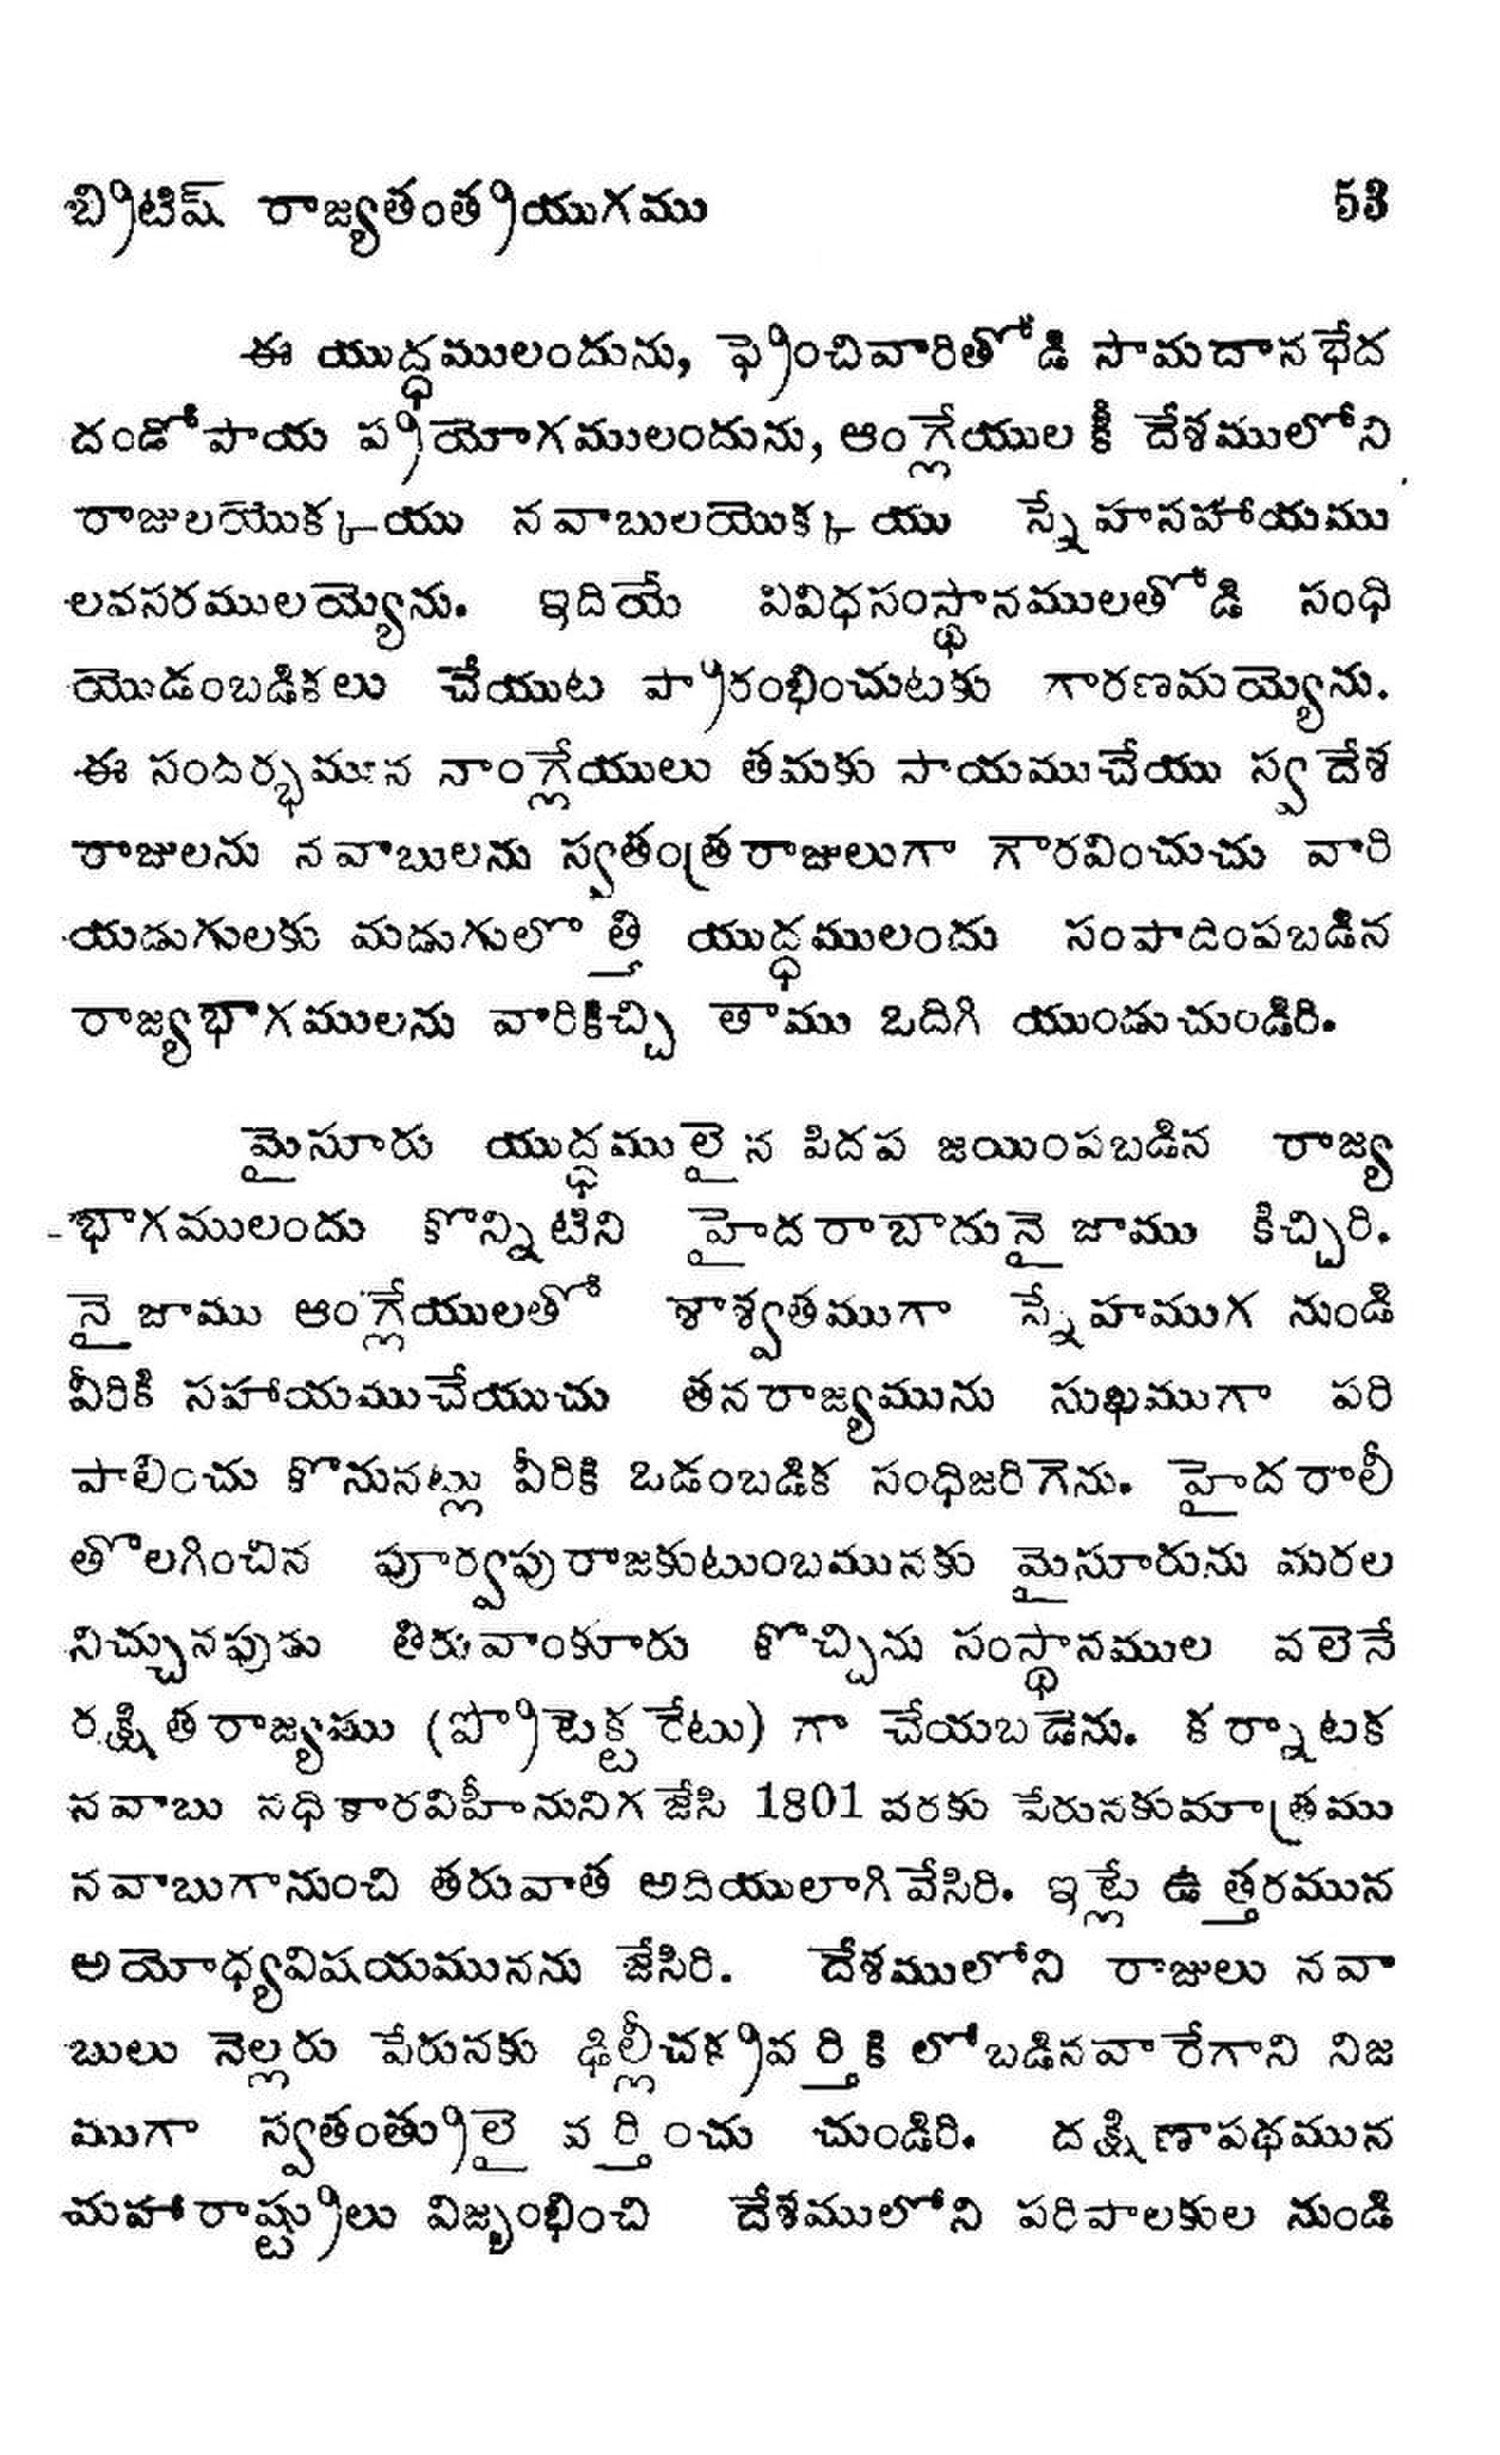ఈ యుద్ధములందును, ఫ్రెంచివారితోడి సామదానభేదదండోపాయ ప్రయోగములందును, ఆంగ్లేయుల కీ దేశములోని రాజులయొక్కయు నవాబులయొక్క యు స్నేహసహాయము లనసరములయ్యెను. ఇదియే వివిధసంస్థానములతోడి సంధి యొడంబడికలు చేయుట ప్రారంభించుటకు గారణమయ్యెను. ఈ సందర్భమఃన నాంగ్లేయులు తమకు సాయముచేయు స్వదేశ రాజులను నవాబులను స్వతంత్రరాజులుగా గౌరవించుచు వారి యడుగులకు మడుగులొత్తి యుద్ధములందు సంపాదింపబడిన రాజ్యభాగములను వారికిచ్చి తాము ఒదిగి యుండుచుండిరి.

మైసూరు యుద్ధములైన పిదప జయింపబడిన రాజ్య భాగములందు కొన్నిటిని హైదరాబాదునైజాము కిచ్చిరి.
నైజాము ఆంగ్లేయులతో శాశ్వతముగా స్నేహముగ నుండి వీరికి సహాయముచేయుచు తనరాజ్యమును సుఖముగా పరిపాలించు కొనునట్లు వీరికి ఒడంబడిక సంధిజరిగెను. హైదరాలీ తొలగించిన పూర్వపురాజకుటుంబమునకు మైసూరును మరల నిచ్చునపుడు తిరువాంకూరు కొచ్చిను సంస్థానముల వలెనే రక్షితరాజ్యము (ప్రొటెక్ట రేటు) గా చేయబడెను. కర్నాటక నవాబు నధికారవిహీనునిగ జేసి 1801 వరకు పేరునకుమాత్రము నవాబుగా నుంచి తరువాత అదియులాగివేసిరి. ఇట్లే ఉత్తరమున అయోధ్యవిషయమునను జేసిరి. దేశములోని రాజులు నవాబులు నెల్లరు పేరునకు ఢిల్లీచక్రవర్తికి లోబడినవారేగాని నిజముగా స్వతంత్రులై వర్తించు చుండిరి. దక్షిణాపథమున మహారాష్ట్రులు విజృంభించి దేశములోని పరిపాలకుల నుండి